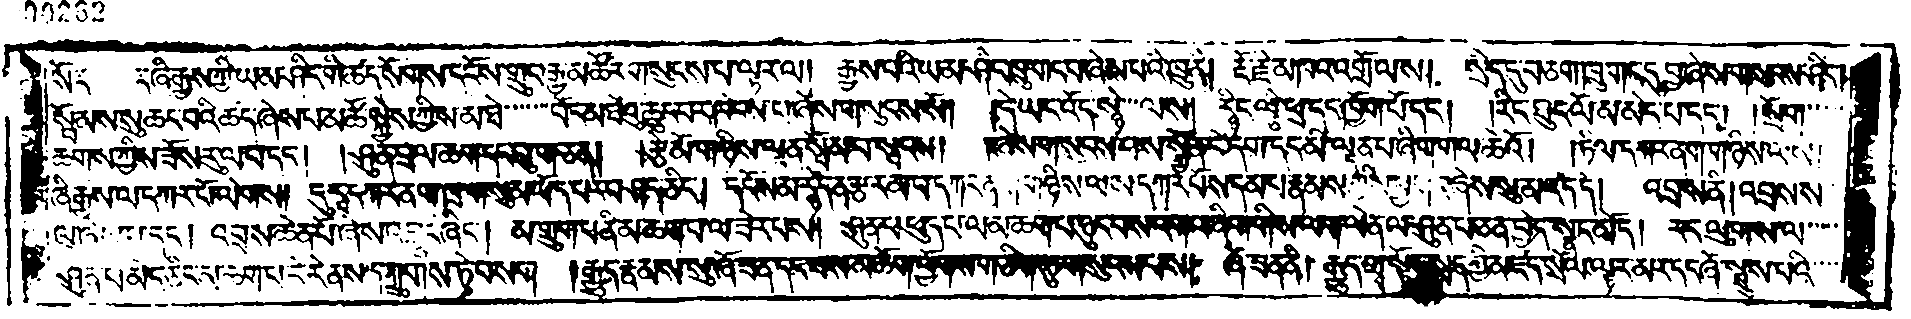སོ༑ ༑ཞི་རྒྱས་ཀྱི་ཡམ་ཤིང་གི་ཚད་སོགས་དངོས་གྲུབ་རྒྱ་མཚོར་གསུངས་པ་ལྟར་ལ། རྒྱས་པའི་ཡམ་ཤིང་ཁྲུ་གང་བ་ཞེས་པའི་ཁྲུ་ནི། རྡོ་རྗེ་མཁའ་འགྲོ་ལས། སྲིད་དུ་བཅག་ཁྲུ་གང་དུ་བྱ་ཞེས་གསུངས་ཤིང་།
སྦོམས་སུ་ཆང་བའི་ཚད་ཞེས་པ་མཚོ་སྐྱེས་ཀྱིས་མཐེ་བོང་མཐེའུ་ཆུང་བར་ཁེངས་པ་ཞེས་གསུངས་སོ། །དེ་ཡང་འོད་སྙེ་ལས། རྙིང་ལྕི་ཕྲ་དང་ཁྱོག་པོ་དང་། །རིང་ཐུང་ལོ་མ་མེད་པ་དང་། །སྲོག་
ཆགས་ཀྱིས་ཟོས་རུ་ལ་བ་དང་། །ཤུན་བྲལ་ཆག་དང་བུ་ག་ཅན། །རྩེ་མོ་གཉིས་ལྡན་སྤོམ་པ་སྤངས། །ཞེས་གསུངས་པས་སྐྱོན་དེ་དག་དང་མི་ལྡན་པ་ཞིག་གལ་ཆེའོ། །ཏིལ་དཀར་ནག་གཉིས་ལས།
ཞི་རྒྱས་ལ་དཀར་པོ་ལེགས། དུར་བ་དཀར་ནག་ཁྲ་གསུམ་ཡོད་པར་བཤད་ཅིང་། དངོས་མ་རྙེད་ན་རྩ་རམ་པ་དཀར་ནག་གཉིས་ལས་དཀར་པོས་དམ་པ་རྣམས་ཀྱིས་ཕྱག་བཞེས་སུ་མཛད་དོ། འབྲས་ནི། འབྲས་ས་
ལུ་ཞེས་པ་དང་། འབྲས་ཆེན་པོ་ཞེས་འབྱུང་ཞིང་། མ་གྲུག་པ་ནི་མ་ཆག་པ་ལ་ཟེར་པས། ཤུན་པ་ཕུད་པ་ལ་མ་ཆག་པ་ཉུང་བས་འགའ་ཞིག་གིས་ལག་ལེན་ལ་ཤུན་པ་ཅན་བྱེད་སྣང་མོད། རང་ལུགས་ལ་
ཤུན་པ་མེད་ཅིང་མ་ཆག་པ་རེ་རེ་ནས་དཀྲུགས་ཏེ་བསག །རྒྱུད་རྣམས་སུ་ཞོ་ཟན་དང་ཟས་མཆོག་ཕྱོགས་གཅིག་ཏུ་གསུངས་པས། ཞོ་ཟན་ནི། རྒྱུད་གྲྭ་སྟོད་སྨད་ཀྱི་མཛད་སྲོལ་ལྟར་མར་དང་ཞོ་སྦུས་པའི་